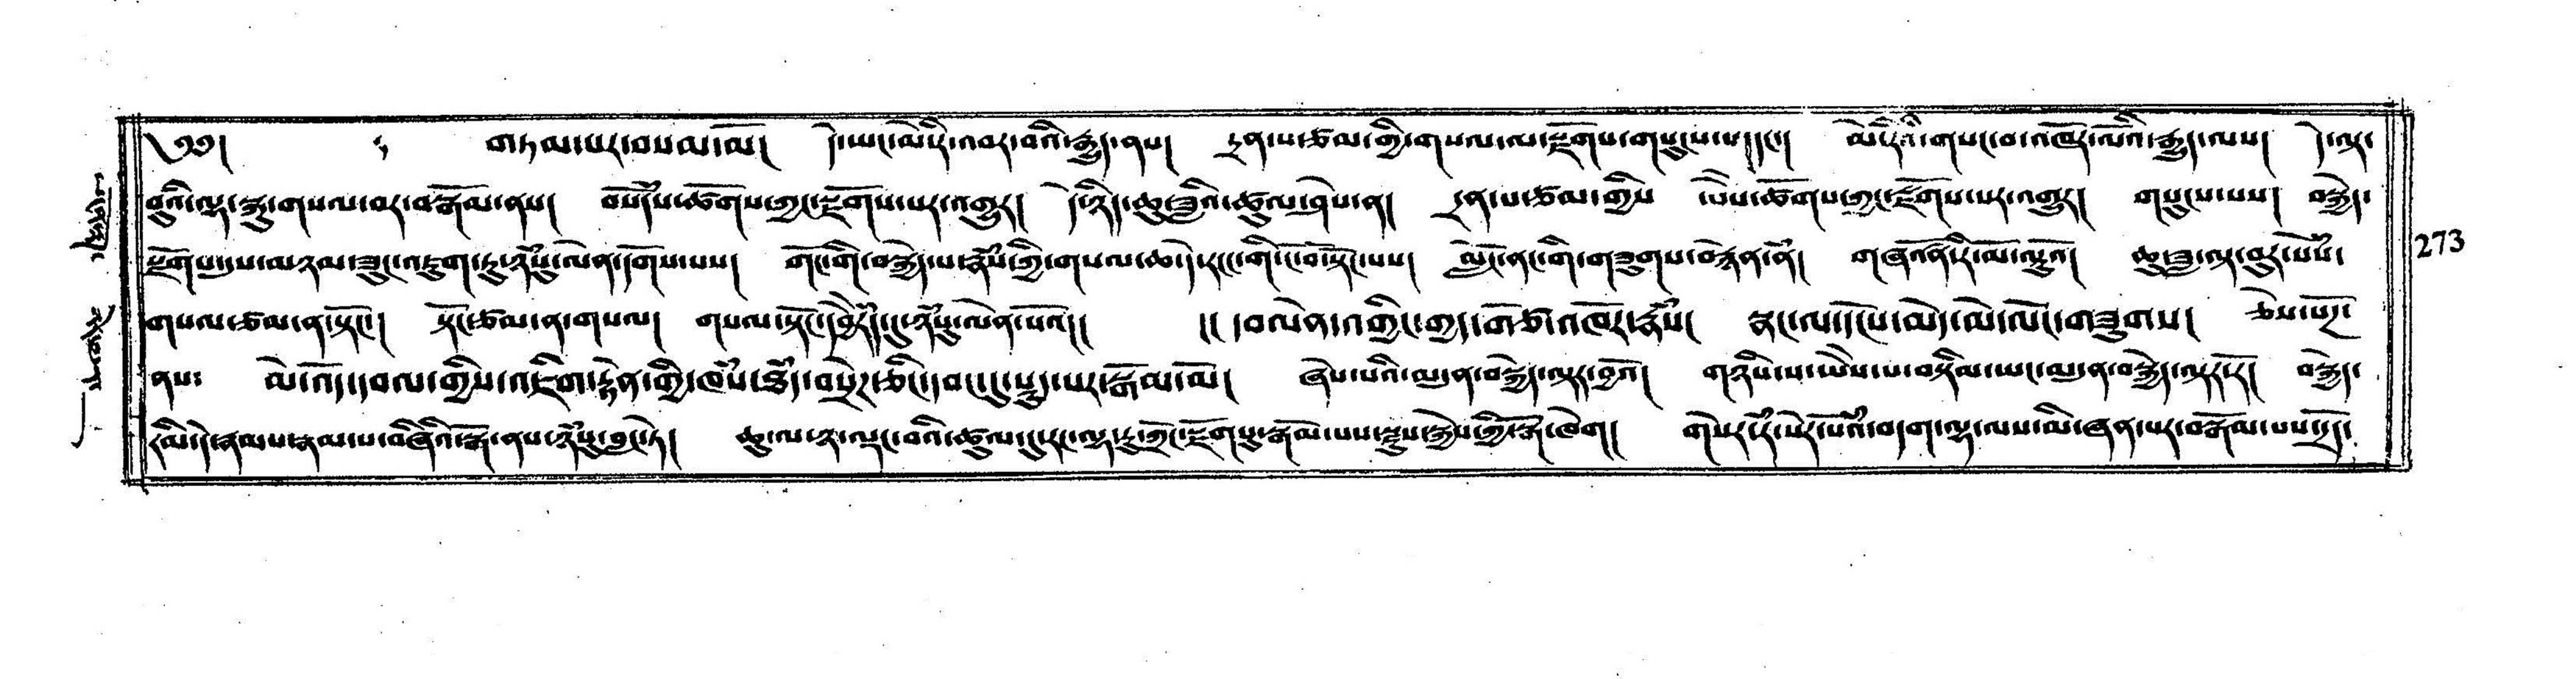གཏམ་པར་བསམ་མོ། དེ་ཡང་མེ་རི་འབར་བའི་རྒྱུད་ནས། དྲན་པ་ཙམ་གྱི་གསལ་ལ་རྫོགས་གསུངས་པ་དང་། མེ་རིའི་གསང་བ་འཁོར་ལོའི་རྒྱུད་ལས། དེ་ལྟར་
བུའི་ལྷ་སྐུ་གསལ་བར་བསྒོམ་ནས། བསོད་ནམས་ཚོགས་ཀྱང་རྫོགས་པར་འགྱུར། དེ་ཉིད་ཆུ་ཟླའི་ཚུལ་ཤེས་ན། དྲན་པ་ཙམ་གྱིས་ཡེ་ཤེས་ཚོགས་ཀྱང་རྫོགས་པར་འགྱུར། གསུངས་པས། བསྐྱེད་
རྫོགས་དུས་མཉམ་ཟུང་འཇུག་ཏུ་ཉམས་སུ་ལེན་དགོས་པས། གོང་གི་བསྐྱེད་པ་རྣམས་ཀྱི་གསལ་ཆ་དེ་རང་རང་གི་ངོ་བོ་སྟོང་པས། མེ་ལོང་ནང་གི་གཟུགས་བརྙེན་ནམ། གཞའ་ཚོན་རི་མོ་ལྟ་བུའོ། ཆུ་ཟླ་ལྟ་བུར་སེམས་
གསལ་ཙམ་ན་སྟོང་། སྟོང་ཙམ་ན་གསལ། གསལ་སྟོང་དབྱེར་མེད་དུ་ཉམས་སུ་ལེན་པའོ།། །།དབལ་ཆེན་འགྱིང་གྱད་གཙོ་འཁོར་རྣམས། སྣང་ལ་དངོས་མེད་མེ་ལོང་གཟུགས། ཅེས་སོགས་
ནས། མེ་འོད་དབལ་གྱིས་འཇིག་རྟེན་གྱི་ཁམས་ཐམས་ཅད་བསྲེགས་ཅིང་དབང་དུ་སྡུད་པར་སྒོམ་མོ། ཞེས་པའི་མདུན་བསྐྱེད་ལྟར་བྱའོ། གཉིས་པ་ཡེ་ཤེས་པ་བསྟིམ་ཡང་མདུན་བསྐྱེད་ལྟར་རོ། བསྐྱེད་
རིམ་དེ་རྣམས་རྣམ་པ་བཞིའི་སྒོ་ནས་ཉམས་སུ་བླང་ཏེ། ཆུ་ལ་ཉ་ལྡང་བའི་ཚུལ་དུ་རང་ལྷ་རུ་ཀྲོང་རྫོགས་སུ་སྒོམ་པས་རྫུས་སྐྱེས་ཀྱི་སྒོ་ཁེག གསེར་རཾ་སེར་པོའི་བདག་ལྷ་ལས་མི་ཞན་པར་བསྒོམ་པས་དྲོད་